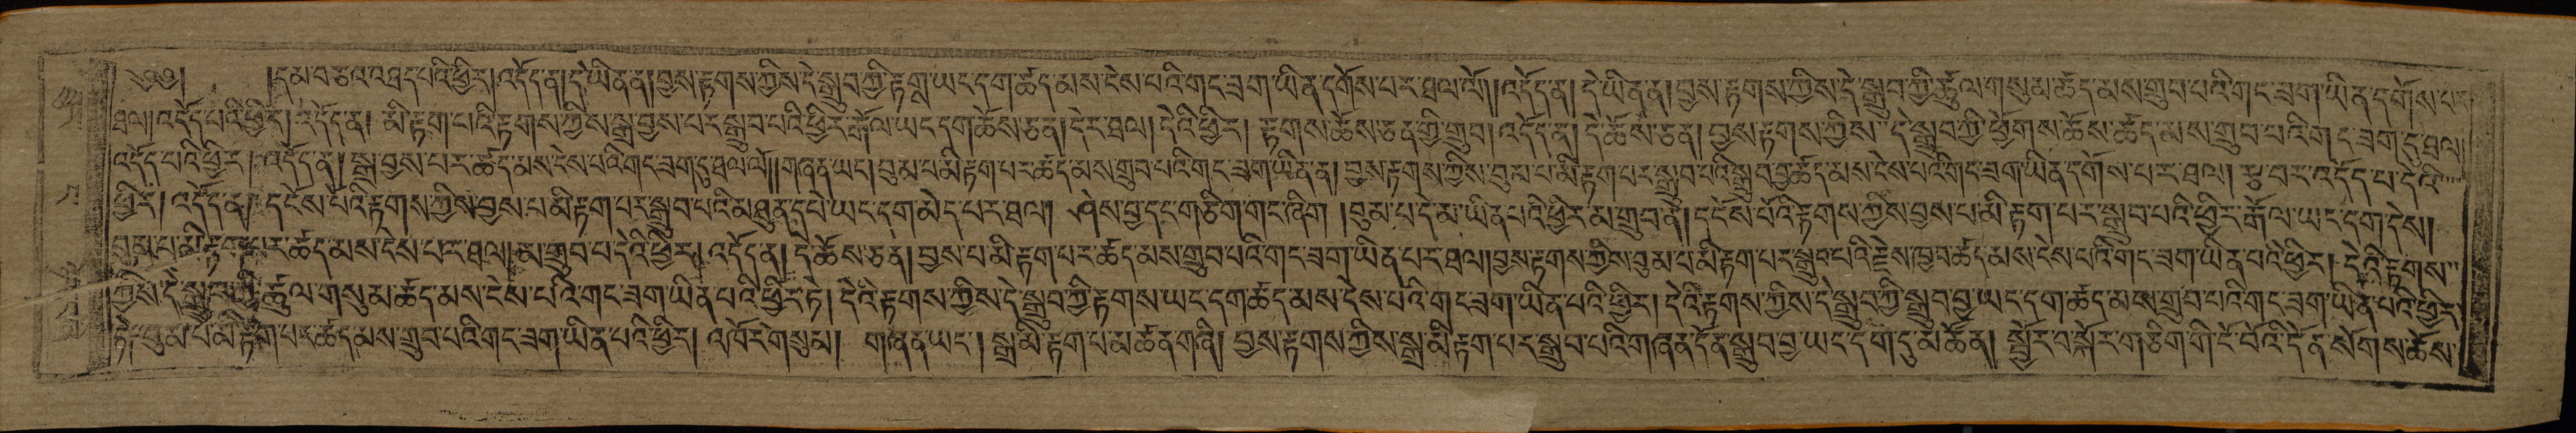༄༅། །དམ་བཅའ་འཐད་པའི་ཕྱིར། འདོད་ན། དེ་ཡིན་ན། བྱས་རྟགས་ཀྱིས་དེ་སྒྲུབ་ཀྱི་རྟགས་ཡང་དག་ཚད་མས་ངེས་པའི་གང་ཟག་ཡིན་དགོས་པར་ཐལ་ལོ། །འདོད་ན། དེ་ཡིན་ན། བྱས་རྟགས་ཀྱིས་དེ་སྒྲུབ་ཀྱི་ཚུལ་གསུམ་ཚད་མས་གྲུབ་པའི་གང་ཟག་ཡིན་དགོས་པར་
ཐལ། འདོད་པའི་ཕྱིར། དོད་ན། མི་རྟག་པའི་རྟགས་ཀྱིས་སྒྲ་བྱས་པར་སྒྲུབ་པའི་ཕྱིར་རྒོལ་ཡང་དག་ཆོས་ཅན། དེར་ཐལ། དེའི་ཕྱིར། རྟགས་ཆོས་ཅན་གྱི་གྲུབ། འདོད་ན། དེ་ཆོས་ཅན། བྱས་རྟགས་ཀྱིས་དེ་སྒྲུབ་ཀྱི་ཕྱོགས་ཆོས་ཚད་མས་གྲུབ་པའི་གང་ཟག་དུ་ཐལ།
འདོད་པའི་ཕྱིར། འདོད་ན། སྒྲ་བྱས་པར་ཚད་མས་ངེས་པའི་གང་ཟག་དུ་ཐལ་ལོ། །གཞན་ཡང་། བུམ་པ་མི་རྟག་པར་ཚད་མས་གྲུབ་པའི་གང་ཟག་ཡིན་ན། བྱས་རྟགས་ཀྱིས་བུམ་པ་མི་རྟག་པར་སྒྲུབ་པའི་སྒྲུབ་བྱ་ཚད་མས་ངེས་པའི་གང་ཟག་ཡིན་དགོས་པར་ཐལ། རྩ་བར་འདོད་པ་དེའི་
ཕྱིར། འདོད་ན། དངོས་པོའི་རྟགས་ཀྱིས་བྱས་པ་མི་རྟག་པར་སྒྲུབ་པའི་མཐུན་དཔེ་ཡང་དག་མེད་པར་ཐལ། ཤེས་བྱ་དང་གཅིག་གང་ཞིག །བུམ་པ་དེ་མ་ཡིན་པའི་ཕྱིར་མ་གྲུབ་ན། དངོས་པོའི་རྟགས་ཀྱིས་བྱས་པ་མི་རྟག་པར་སྒྲུབ་པའི་ཕྱིར་རྒོལ་ཡང་དག་དེས།
བུམ་པ་མི་རྟག་པར་ཚད་མས་ངེས་པར་ཐལ། མ་གྲུབ་པ་དེའི་ཕྱིར། འདོད་ན། དེ་ཆོས་ཅན། བྱས་པ་མི་རྟག་པར་ཚད་མས་གྲུབ་པའི་གང་ཟག་ཡིན་པར་ཐལ། བྱས་རྟགས་ཀྱིས་བུམ་པ་མི་རྟག་པར་སྒྲུབ་པའི་རྗེས་ཁྱབ་ཚད་མས་ངེས་པའི་གང་ཟག་ཡིན་པའི་ཕྱིར། དེའི་རྟགས་
ཀྱིས་དེ་སྒྲུབ་ཀྱི་ཚུལ་གསུམ་ཚད་མས་ངེས་པའི་གང་ཟག་ཡིན་པའི་ཕྱིར་ཏེ། དེའི་རྟགས་ཀྱིས་དེ་སྒྲུབ་ཀྱི་རྟགས་ཡང་དག་ཚད་མས་ངེས་པའི་གང་ཟག་ཡིན་པའི་ཕྱིར། དེའི་རྟགས་ཀྱིས་དེ་སྒྲུབ་ཀྱི་སྒྲུབ་བྱ་ཡང་དག་ཚད་མས་གྲུབ་པའི་གང་ཟག་ཡིན་པའི་ཕྱིར་
ཏེ༑ བུམ་པ་མི་རྟག་པར་ཚད་མས་གྲུབ་པའི་གང་ཟག་ཡིན་པའི་ཕྱིར། འཁོར་གསུམ། གཞན་ཡང་། སྒྲ་མི་རྟག་པ་མཚན་གཞི། བྱས་རྟགས་ཀྱིས་སྒྲ་མི་རྟག་པར་སྒྲུབ་པའི་གཞན་དོན་སྒྲུབ་བྱ་ཡང་དག་དུ་མཚོན། སྦྱོར་བ་སྐོར་གཅིག་གི་ངོ་བོའི་དོན་སོགས་ཆོས་